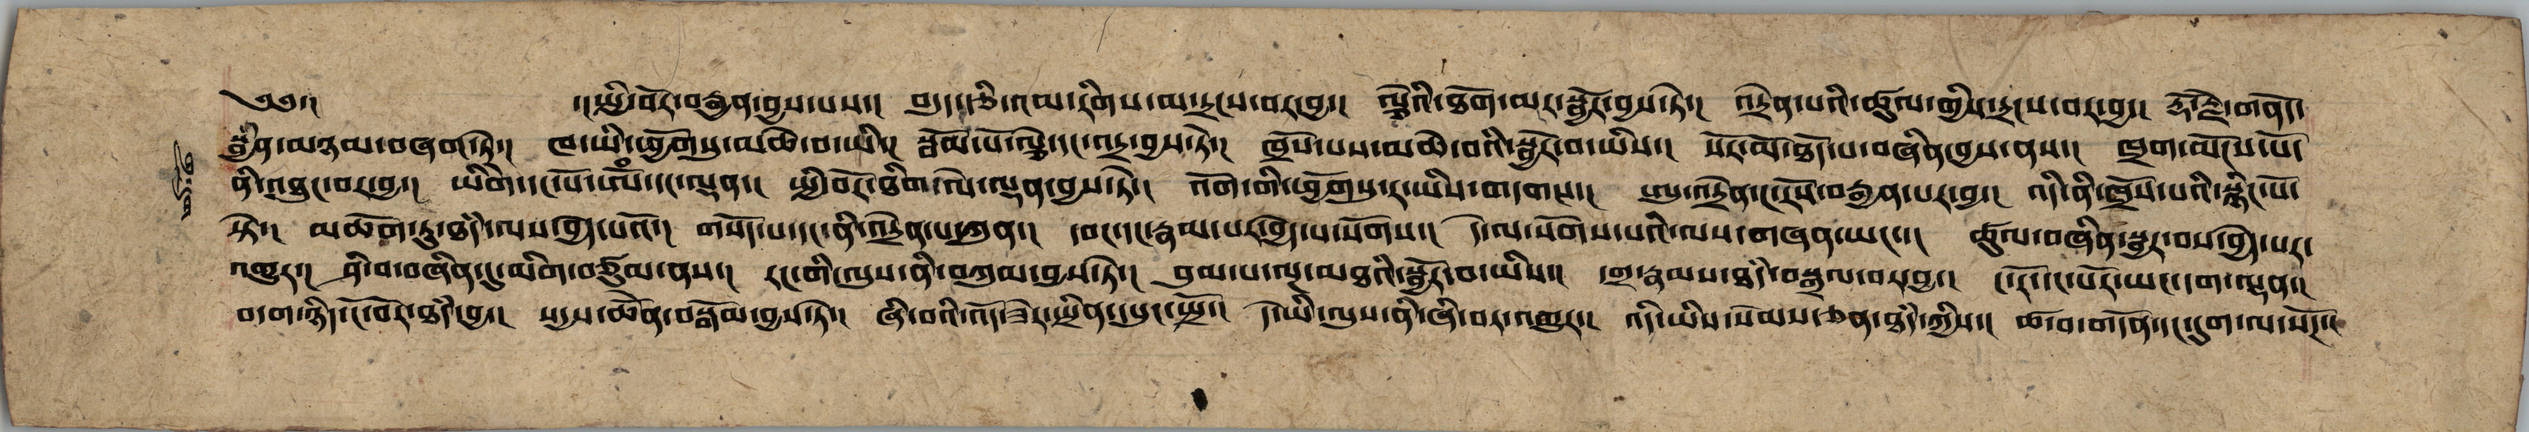༄༅་། དངསྤྱི་བོར་བརྒྱན་བྱས་པས་། བདུད་རྩི་འམ་རིགས་མ་དྲངས་བར་བྱ་། ལྕེའི་ཐོག་མར་སྦྱོར་བྱས་ཏེ་། འདྲེན་པའི་ཚུལ་གྱིས་དྲངས་བར་བྱ་། རྡོ་རྗེ་གནོད་
སྦྱིན་མཉམ་བཞག་ཏེ་། ཁ་ཡི་ཕྱོགསུ་མཆེ་བ་ཡི་། སྦོམ་པོ་ལྕེ་དང་འདྲ་བྱས་ཏེ་། ཁྲོས་པས་མཆེ་བའི་སྦྱོར་བ་ཡིས་། སོར་མོ་ཐོད་པ་བཞིན་བྱས་ནས་། ཁྲག་ལོངས་པོ་
ནི་འཐུང་བར་བྱ་། ཡིགེ་དང་པོ་ཨོཾ་དང་ལྡན་། སྤྱི་བོར་ཐིག་ལེ་ལྡན་བྱས་ཏེ་། འོག་གི་ཕྱོགསུ་ར་ཡིས་གདགས་། ཨུ་འདྲེན་ང་རོས་བརྒྱན་པར་བྱ་། འདི་ནི་ཁྲོས་པའི་སྙིང་པོ་
སྟེ་། མཆོག་ཏུ་ཐཾད་ལས་བྱེད་པའོ་། གསོད་པ་དང་ནི་འདྲེན་པ་ཀུན་། དབང་དང་རྣམ་པར་བྱེད་པ་སོགས་། དེ་ལ་སོགས་པའི་ལས་གཞན་ཡང་་། ཚུལ་བཞིན་སྦྱར་བས་བྱེད་པར་
འགྱུར་། ཤི་བ་བཞིན་དུ་མིག་བཙུམ་ནས་། རང་གི་ལུས་ནི་བཀུམ་བྱས་ཏེ་། བུམ་པ་ལྔ་མཐའི་སྦྱོར་བ་་ཡིས་། དགྲ་རྣམས་ཐཾད་བསྒྲལ་བར་བྱ་། ང་རོ་དང་པོར་ཡང་དག་ལྡན་།
བདག་ཉིད་ངོ་བོར་ཐཾད་བྱ་། སདྱས་ཆེནོ་བསྒོམ་བྱས་ཏེ་། ཞི་བའི་འོད་ཟེར་སྤྲིན་དཔུང་སྤྲོ་། དེ་ཡི་ལུས་ནི་ཞི་བར་འགྱུར་། འདི་ཡིས་སེམས་ཅན་ཐཾད་ཀྱིས་། ཚ་བ་གདོན་དང་དུག་ལ་སོཌ་།